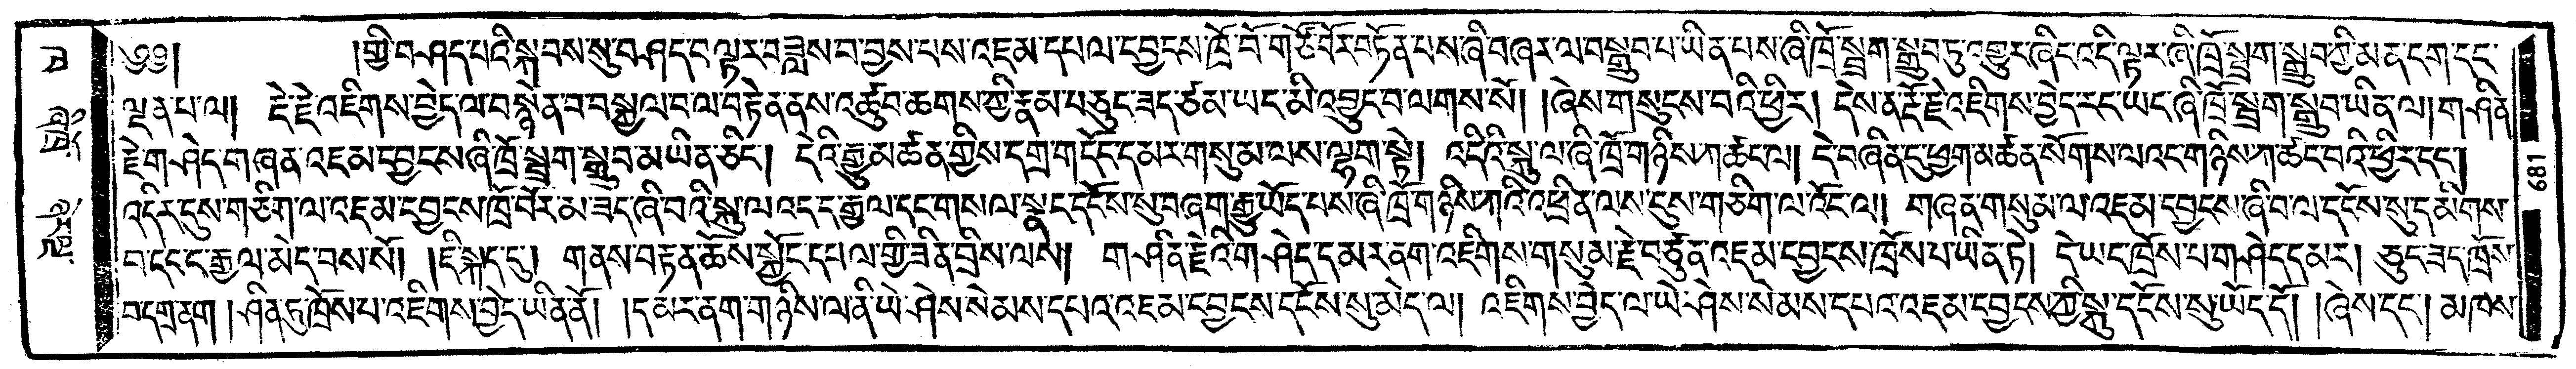༄༅། །གྱི་བཤད་པའི་སྐབས་སུ་བཤད་པ་ལྟར་བཟླས་བ་བྱས་པས་འཇམ་དཔལ་དབྱངས་ཁྲོ་བོ་གཙོ་བོར་བཏོན་པས་ཞི་བཞར་ལ་བསྒྲུབ་པ་ཡིན་པས་ཞི་ཁྲོ་སྦྲག་སྒྲུབ་ཏུ་འགྱུར་ཞིང་འདི་ལྟར་ཞི་ཁྲོ་སྦྲག་སྒྲུབ་ཀྱི་མན་ངག་དང་
ལྡན་པ་ལ། རྡོ་རྗེ་འཇིགས་བྱེད་ལ་བསྙེན་པ་བསྐྱལ་བ་ལ་བརྟེན་ནས་འཚུབ་ཆགས་ཀྱི་རྣམ་པ་ཅུང་ཟད་ཙམ་ཡང་མི་འབྱུང་བ་ལགས་སོ། །ཞེས་གསུངས་བའི་ཕྱིར། དེས་ན་རྡོ་རྗེ་འཇིགས་བྱེད་རང་ཡང་ཞི་ཁྲོ་སྦྲག་སྒྲུབ་ཡིན་ལ། གཤིན་
རྗེ་གཤེད་གཞན་འཇམ་དབྱངས་ཞི་ཁྲོ་སྦྲག་སྒྲུབ་མ་ཡིན་ཅིང་། དེའི་རྒྱུ་མཚན་གྱིས་དགྲ་གདོང་དམར་གསུམ་ལས་ལྷག་སྟེ། འདིའི་སྐུ་ལ་ཞི་ཁྲོ་གཉིས་ཀ་ཚང་ལ། དེ་བཞིན་དུ་ཕྱག་མཚན་སོགས་ལའང་གཉིས་ཀ་ཚང་བའི་ཕྱིར་དང་།
འདིར་དུས་གཅིག་ལ་འཇམ་དབྱངས་ཁྲོ་བོར་མ་ཟད་ཞི་བའི་སྐུ་ལའང་ང་རྒྱལ་དང་གསལ་སྣང་དངོས་སུ་བཞག་རྒྱུ་ཡོད་པས་ཞི་ཁྲོ་གཉིས་ཀའི་འཕྲིན་ལས་དུས་གཅིག་ལ་འོང་ལ། གཞན་གསུམ་ལ་འཇམ་དབྱངས་ཞི་བ་ལ་དངོས་སུ་དམིགས་
བ་དང་ང་རྒྱལ་མེད་པས་སོ། །ཇི་སྐད་དུ། གནས་བརྟན་ཆོས་སྐྱོང་དཔལ་གྱི་ཟིན་བྲིས་ལས། གཤིན་རྗེའི་གཤེད་དམར་ནག་འཇིགས་གསུམ་རྗེ་བཙུན་འཇམ་དབྱངས་ཁྲོས་པ་ཡིན་ཏེ། དེ་ཡང་ཁྲོས་པ་གཤེད་དམར། ཅུང་ཟད་ཁྲོས་
བ་དགྲ་ནག །ཤིན་ཏུ་ཁྲོས་པ་འཇིགས་བྱེད་ཡིན་ནོ། །དམར་ནག་གཉིས་ལ་ནི་ཡེ་ཤེས་སེམས་དཔའ་འཇམ་དབྱངས་དངོས་སུ་མེད་ལ། འཇིགས་བྱེད་ལ་ཡེ་ཤེས་སེམས་དཔའ་འཇམ་དབྱངས་ཀྱི་སྐུ་དངོས་སུ་ཡོད་དོ། །ཞེས་དང་། མཁས་